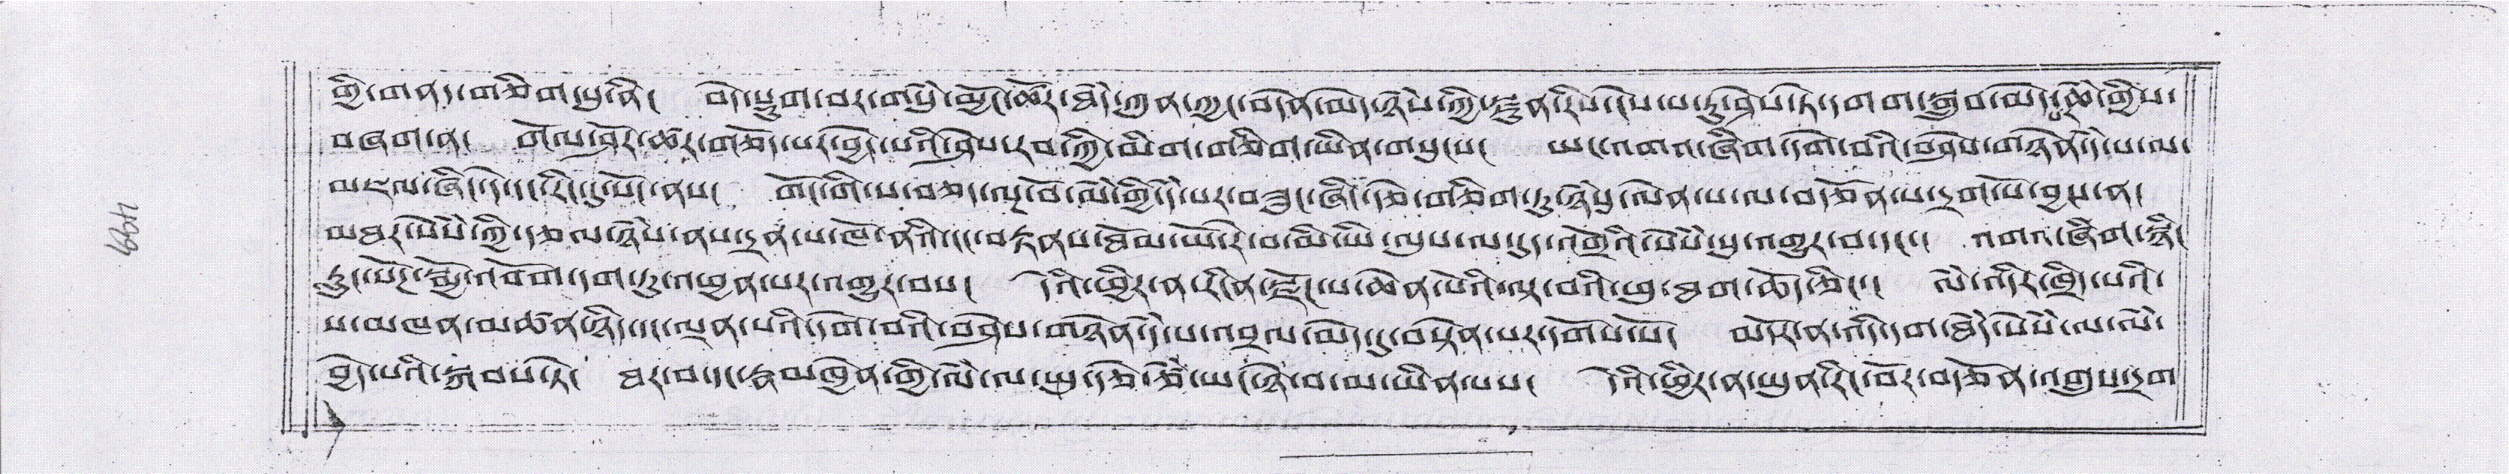གྱི་གནད་གཅིག་པུ་ནི། བདེ་སྡུག་བར་གསུམ་མྱོང་ཚོར་ཐམས་ཅད་ཀུན་ཀྱང་བདེན་མེད་ཉམས་ཀྱི་རྫུན་རིས་ངེས་པ་རུ་ཤེས་ཏེ་དགག་སྒྲུབ་མེད་པར་ཆམ་གྱིས་
བཞག་ན། གོལ་ཤོར་ཚར་གཅོད་པར་བྱེད་པའི་ཤེས་རབ་ཀྱི་མིག་གཅིག་ཡིན་གསུངས། ཡང་འགའ་ཞིག་དགེ་བའི་བཤེས་གཉེན་དམ་པ་ལ་
མཇལ་ཞིང་དེ་དང་རིང་དུ་སོང་ནས། གོང་གི་ས་བཅད་ལྔ་པོ་ལམ་གྱི་དམ་པར་བཟུང་ཞིང་རྩེ་གཅིག་ཏུ་ཉམས་སུ་ལེན་པ་ལ་བརྩོན་པ་དྲག་པོ་བྱས་ན། 
མཐར་སེམས་ཀྱི་རྩལ་ཉམས་ནས་དྲན་པ་ཁོ་ནའི་ངང་བརྟན་ནས་ཐོམ་ཡོ་རེ་བ་མི་ཡི་ལུས་ལ་དུད་འགྲོའི་སེམས་སུ་འགྱུར་བ་དང་། འགའ་ཞིག་ནི་
རླུང་དང་སྨྱོ་འབོགས་སོགས་སུ་འཕྱན་པར་འགྱུར་བས། དེའི་ཕྱིར་ན་རང་བཞིན་རྫོགས་པ་ཆེན་པོའི་ལྟ་བའི་ཕུ་ཐག་ཆོད་ཅིིང་། ལམ་འདིར་ཁྲིད་པའི་
ས་མཁན་མཚན་ཉིད་དང་ལྡན་པའི་དགེ་བའི་བཤེས་གཉེན་དམ་པ་འབྲལ་མེད་དུ་བསྟེན་པར་དགོས་སོ། མདོར་ན་འདི་དག་ཐམས་ཅད་སེམས་ལ་ལམ་
བྱེད་པའི་སྐབས་ཏེ། ཐར་པ་དང་རྣམ་མཁྱེན་གྱི་ལམ་ལ་སྤུ་རྩེ་ཙམ་ཡང་ཉེ་བ་མ་ཡིན་པས། དེའི་ཕྱིར་ན་ཡུན་རིང་པོར་བརྩོན་འགྲུས་དྲག་